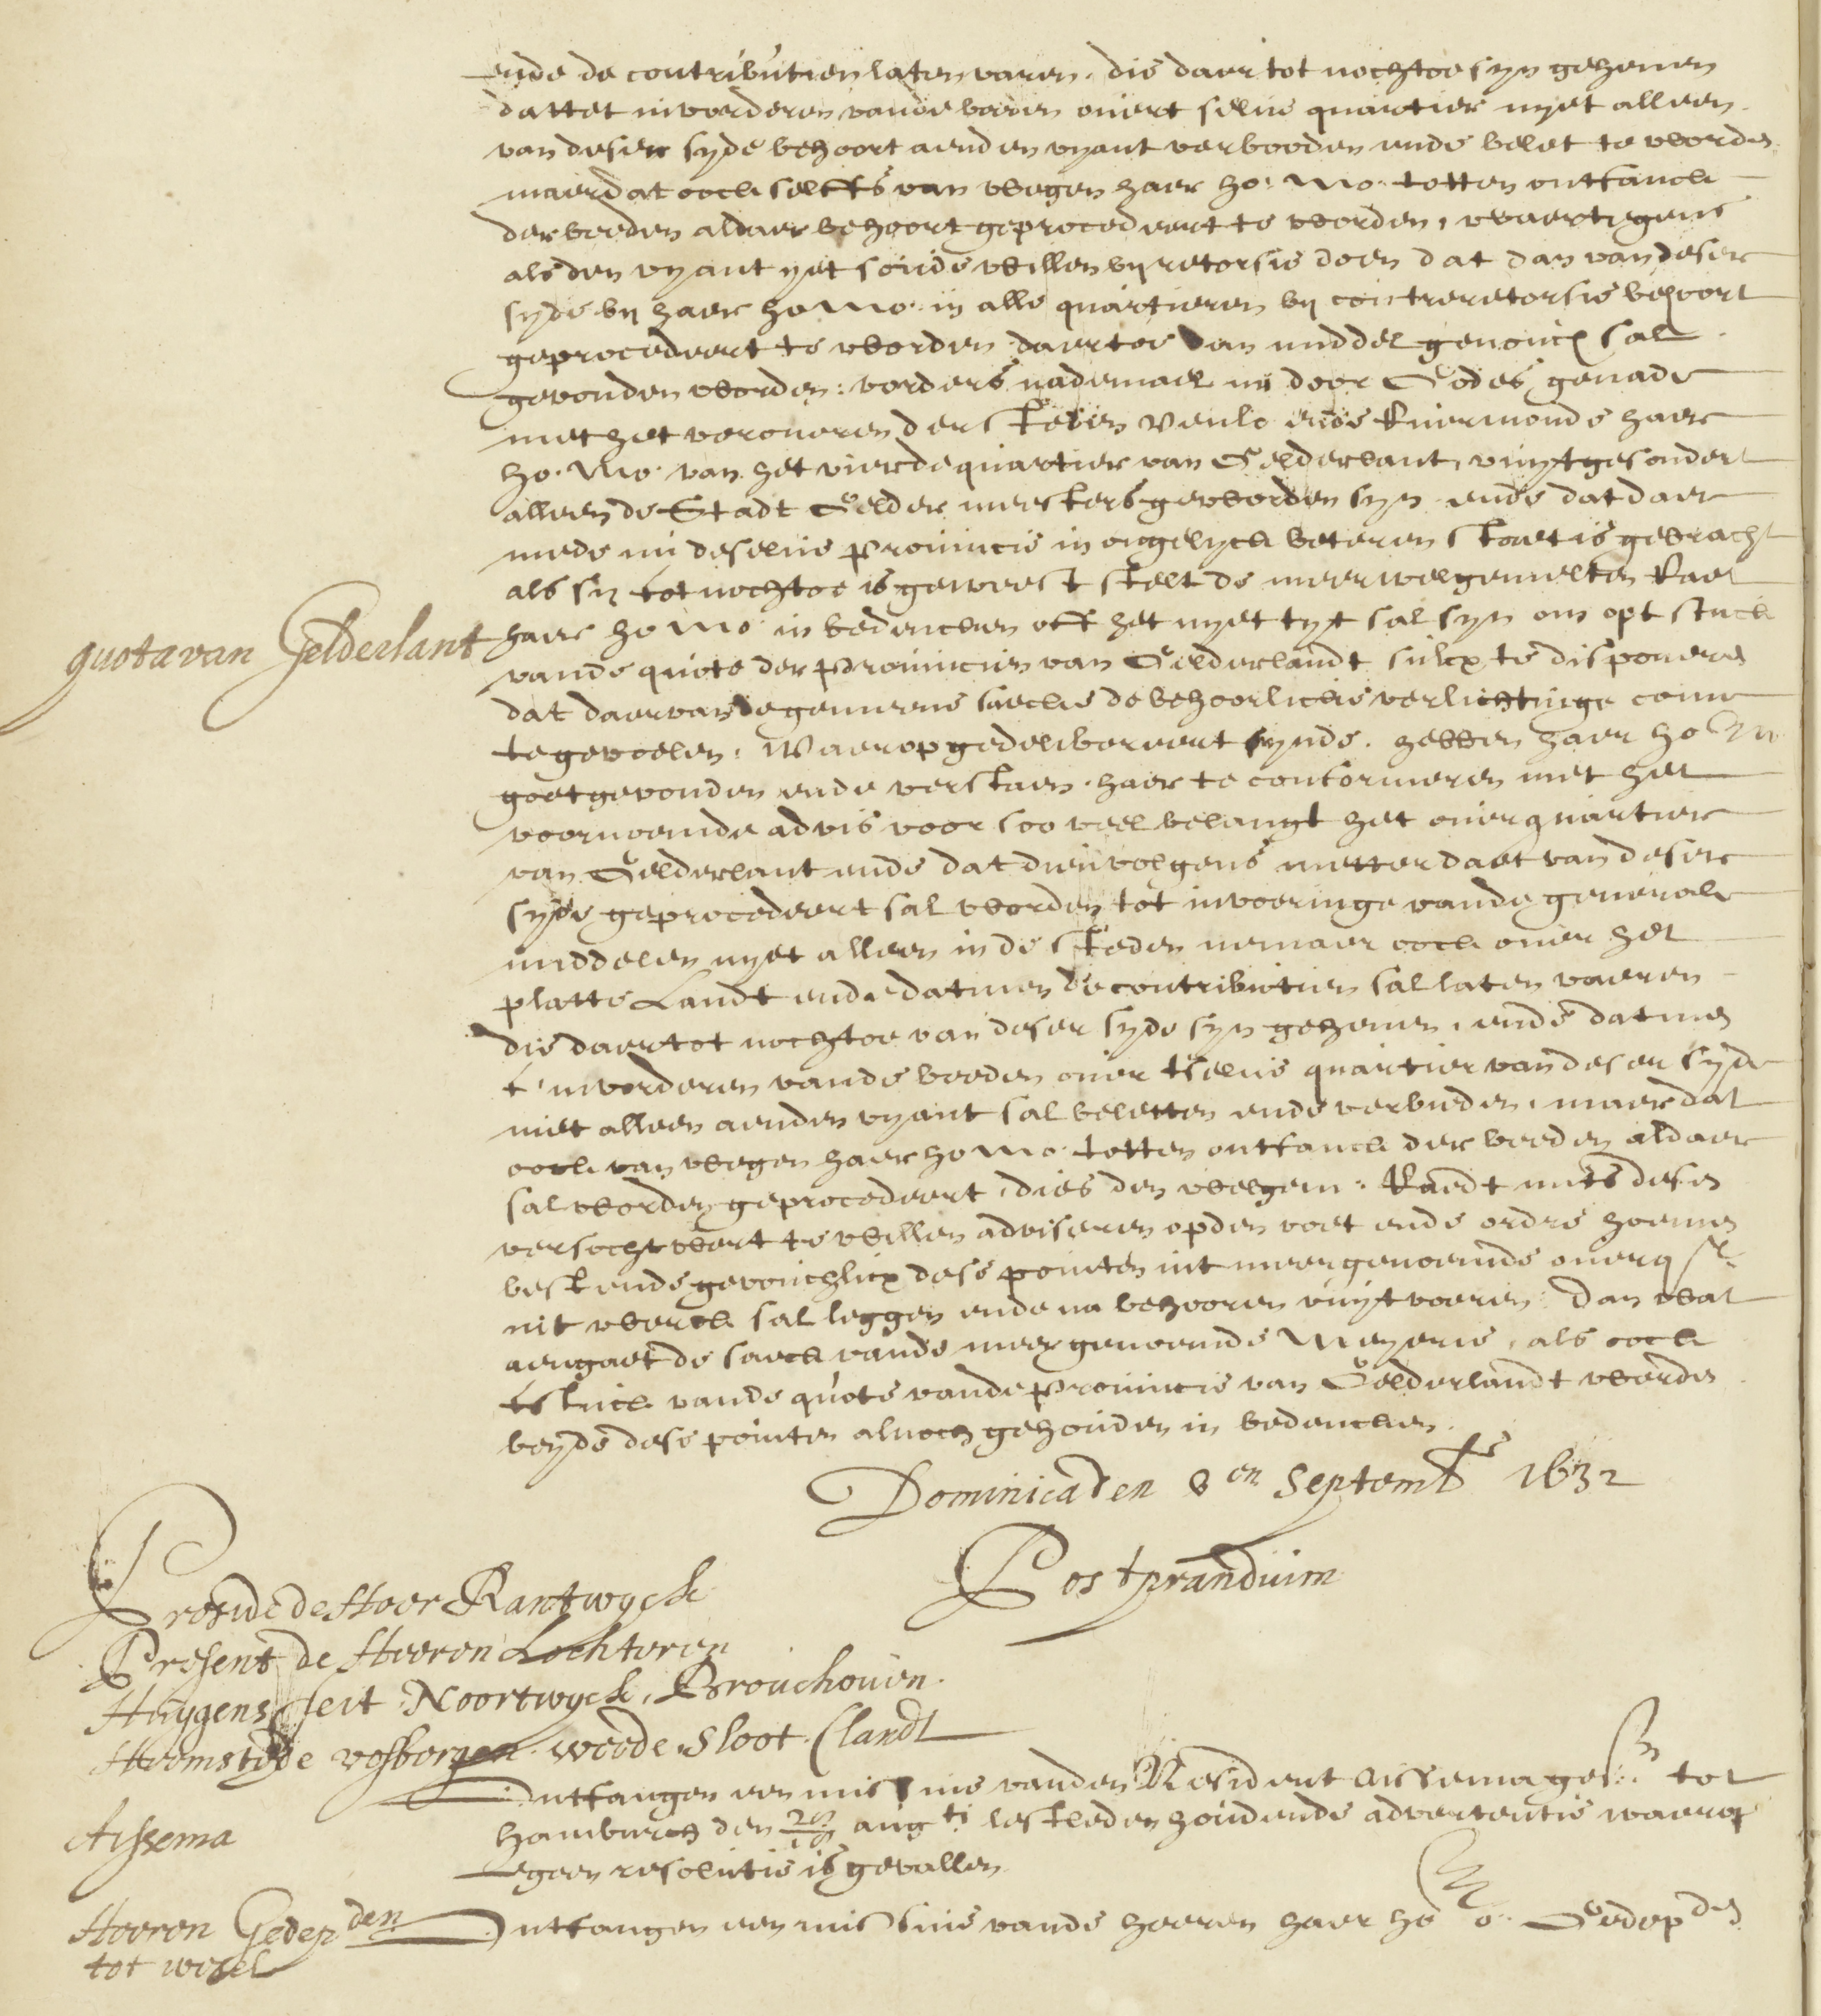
quota van Gelderlant,
ende de contributien laten varen, die daer tot nochtoe syn geheuen
dattet invorderen vande beeden ouert selue quartier nyet alleen.
van deser syde behoort aenden vyant verbooden ende belet te worden,
maer dat oock selffs van wegen haer ho:Mo: totten ontfanck
der beeden aldaer behoort geprocedeert te worden, waertegens
als den vyant yet soude willen by retorsie doen dat dan van deser
syde by haer hoMo: in alle quartieren by contreretorsie behoort
geprocedeert te worden daertoe dan middel genouch sal
gevonden worden: vorders nademael nu door Godes genade
met het veroueren der steden Venlo ende Ruermonde haer
Ho:Mo: van het vierde quartier van Gelderlant, vuytgesondert
alleen de Stadt Gelder meesters geworden syn, ende dat daer
mede nu deselue prouincie in ongelyck beteren staet is gebracht
als sy tot nochtoe is geweest stelt de meerwelgemelten Raet
haer hoMo: in bedencken off het nyet tyt sal syn om opt stuck
vande quote der prouincien van Gelderlandt sulcx te disponeren
dat daervan de gemeene saecke de behoorlicke verlichtinge come
te gevoelen. Waerop gedelibereert synde, hebben haer hoM:
goetgevonden ende verstaen, haer te conformeren met het
voornoemde advis voor soo veel belangt het ouerquartier
van Gelderlant ende dat dienvolgens metterdaet van deser
syde geprocedeert sal worden tot invoeringe vande generale
middelen nyet alleen in de steden nemaer oock ouer het
platte Landt ende datmen de contributien sal laten vaeren
die daer tot nochtoe van deser syde syn geheuen, ende dat men
t'invorderen vande beeden ouer tselue quartier van deser syde
niet alleen aenden vyant sal beletten ende verbieden, maer dat
oock van wegen haer hoMo: totten ontfanck der beeden aldaer
sal worden geprocedeert, dies den welgem: Raedt mits desen
versocht wert te willen adviseren opden voet ende ordre hoemen
best ende gevouchlicx dese pointen int meergenoemde ouerqr.
int werck sal leggen ende na behooren vuytvoeren: dan wat
aengaet de saeck vande meer genoemde Meyerie, als oock
t'stuck vande quote vande prouincie van Gelderlandt werden
beyde dese pointen alnoch gehouden in bedencken:
Dominica den ven Septemb 1632
Post prandium
Preside de Heer Rantwyck
Present de Heeren Lochteren
Huygens, Feit, Noortwyck, Brouchouen,
Heemstede Vosbergen, weede, Sloot, Clandt
Aissema
Ontfangen een missiue vanden Resident Aissema gesn. tot
Hamburch den 28/18 augti. lestleden houdende advertentie waerop
egeen resolutie is gevallen.
Heeren Gedepden.
tot wesel
Ontfangen een missiue vande heeren haer hoMo: Gedepden
